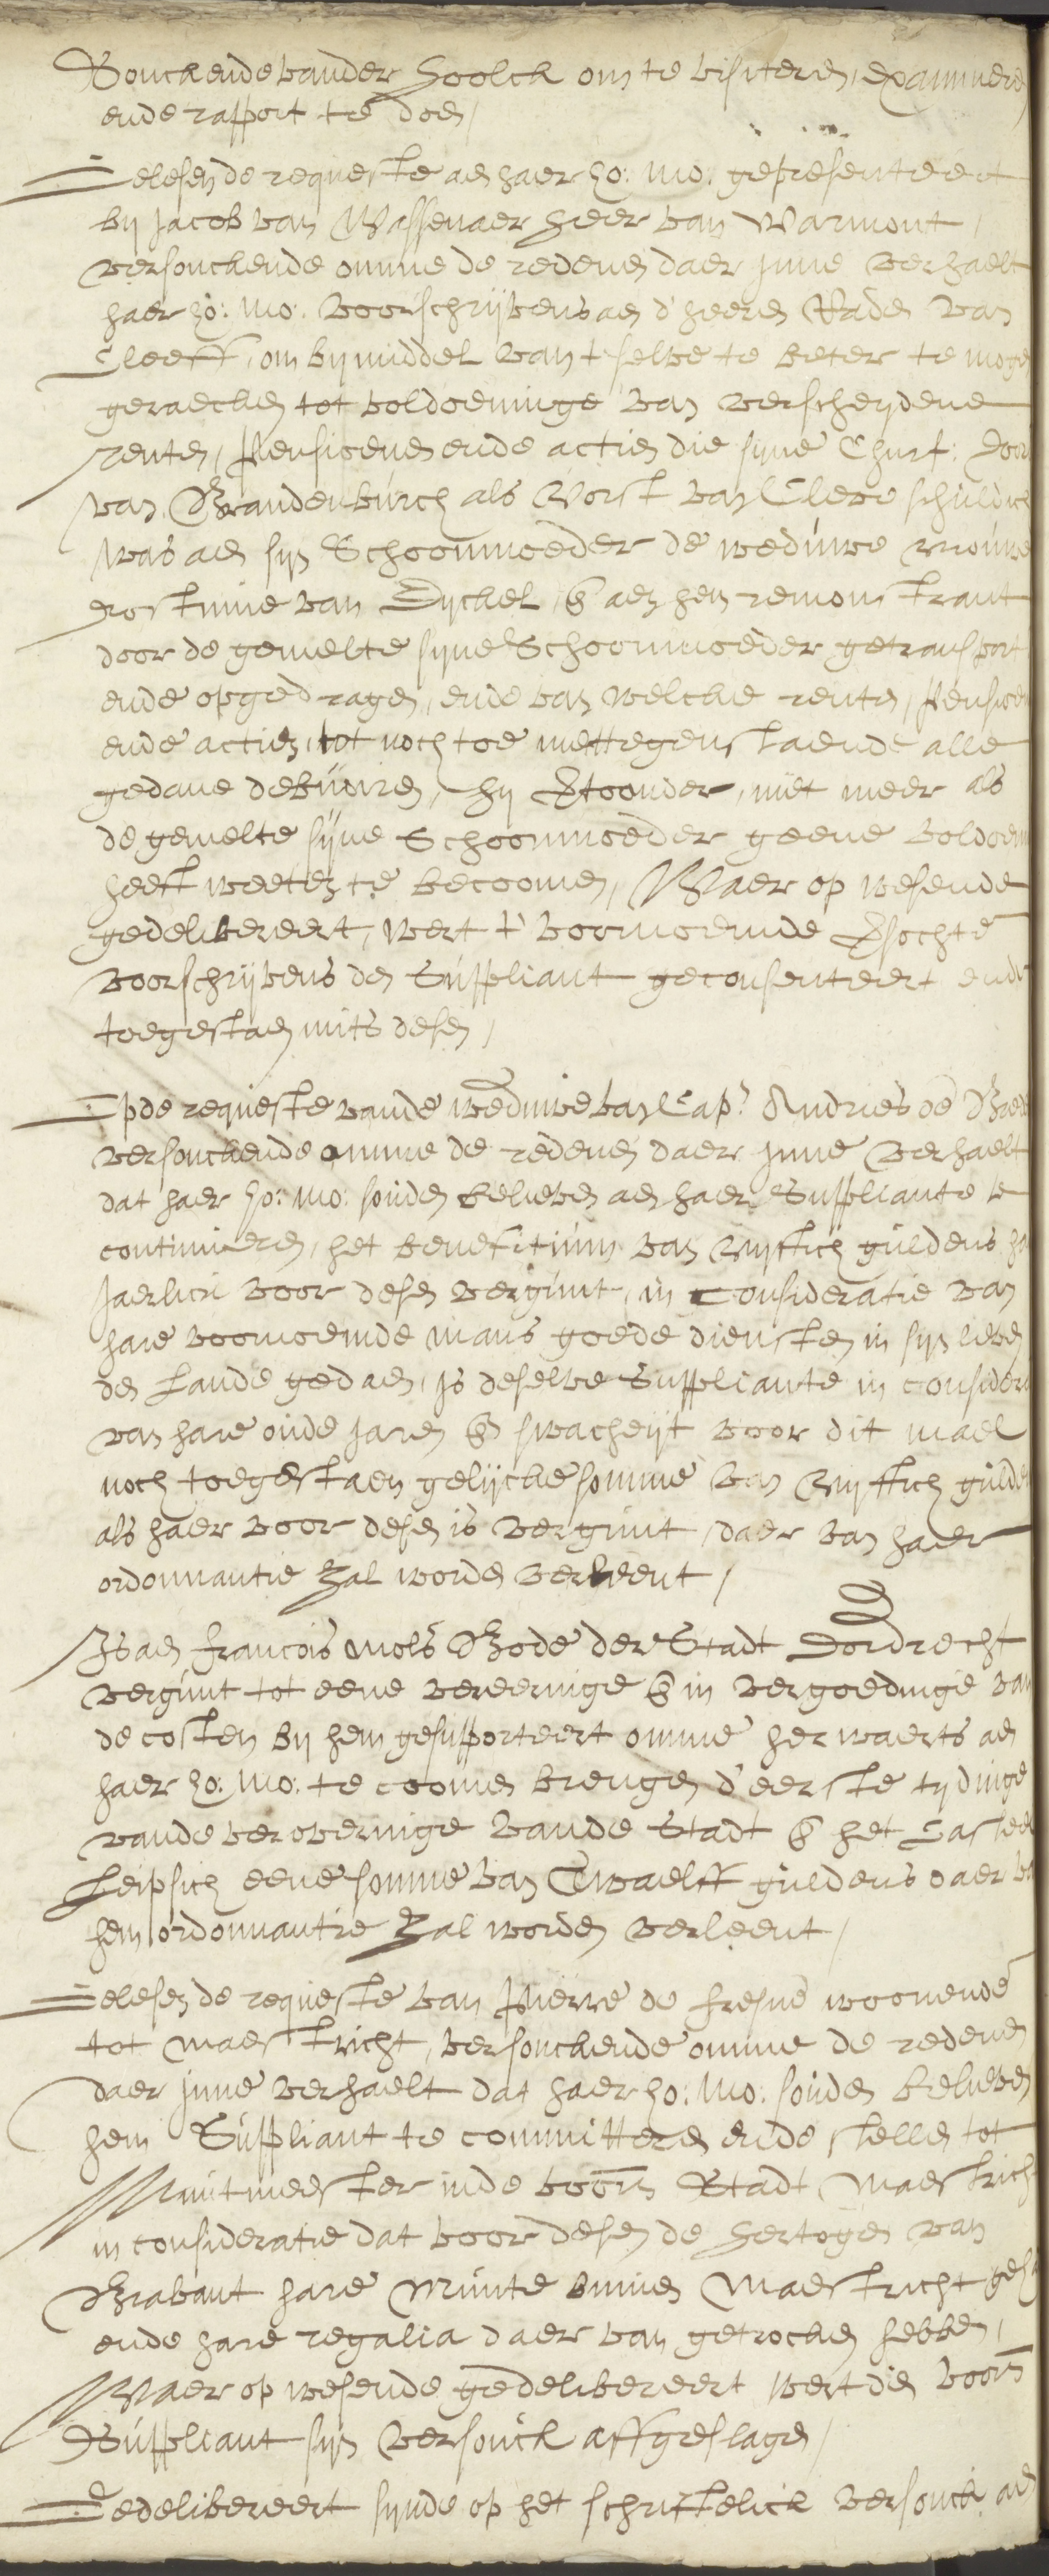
Sonck ende vander Hoolck om te visiteren, examineren
ende rapport te doen.
Gelesen de requeste aen haer ho:mo: gepresenteert
bij Jacob van Wassenaer heer van Warmont
versouckende omme de redenen daer Inne verhaelt
haer ho:mo: voorschrijvens aen d'heeren Raden van
Cleeff, om by middel van t'selve te beter mogen
geraecken tot voldoeninge van verscheydene
renten, pensioenen ende actien die sijne Churf: Doo
van Brandenburch als Vorst van Cleve schuldich
was aen syn Schoonmoeder de weduwe vrouwe
drostinne van Dyckel, & aen hem remonstrant
door de gemelte syne Schoonmoeder getransport
ende opgedragen, ende van welcke renten, pensioenen
ende actien tot noch toe niettegenstaende alle
gedane debuoiren, hy vtoonder, niet meer als
de gemelte sijne Schoonmoeder geene voldoen
heeft weeten te becoomen. Waer op wesende
gedelibereert, wert t'voornoemde vsochte
voorschrijvens den suppliant geconsenteert ende
toegestaen mits desen.
Opde requeste vande weduwe van Capn. Andries de Bres
versouckende omme de redenen daer Inne verhaelt
dat haer ho:mo: souden believen aen haer Suppliante te
continueren, het benefitium van vijftich guldens ha
Jaerlicx voor desen vergunt, in consideratie van
hare voornoemde mans goede diensten in sijn leven
den Lande gedaen, Is deselve Suppliante in considera
van hare oude jaren & swacheijt voor dit mael
noch toegestaen gelijcke somme van vijfftich gulden
als haer voor desen is vergunt, daer van haer
ordonnantie zal worden verleent.
Is aen Francois Mols Bode der Stadt Dordrecht
vergunt tot eene vereeringe & in vergoedinge van
de costen by hem gesupporteert omme herwaerts aen
haer ho:mo: te coomen brengen d'eerste tydinge
vande veroveringe vande stadt & het casteel
Leipsich eene somme van Twaelff guldens daer van
hem ordonnantie zal worden verleent.
Gelesen de requeste van Pierre de Fresne woonende
tot maestricht, versouckende omme de redenen
daer Inne verhaelt dat haer ho:mo: souden believen
hem Suppliant te committeren ende stellen tot
Muntmeester inde voorn Stadt Maestricht
in consideratie dat voor desen de hertogen van
Brabant hare Munte binnen Maestricht geh
ende hare regalia daer van getrocken hebben.
Waerop wesende gedelibereert wert den voorn
Suppliant sijn versouck affgeslagen.
Gedelibereert sijnde op het schriftelick versouck aen
